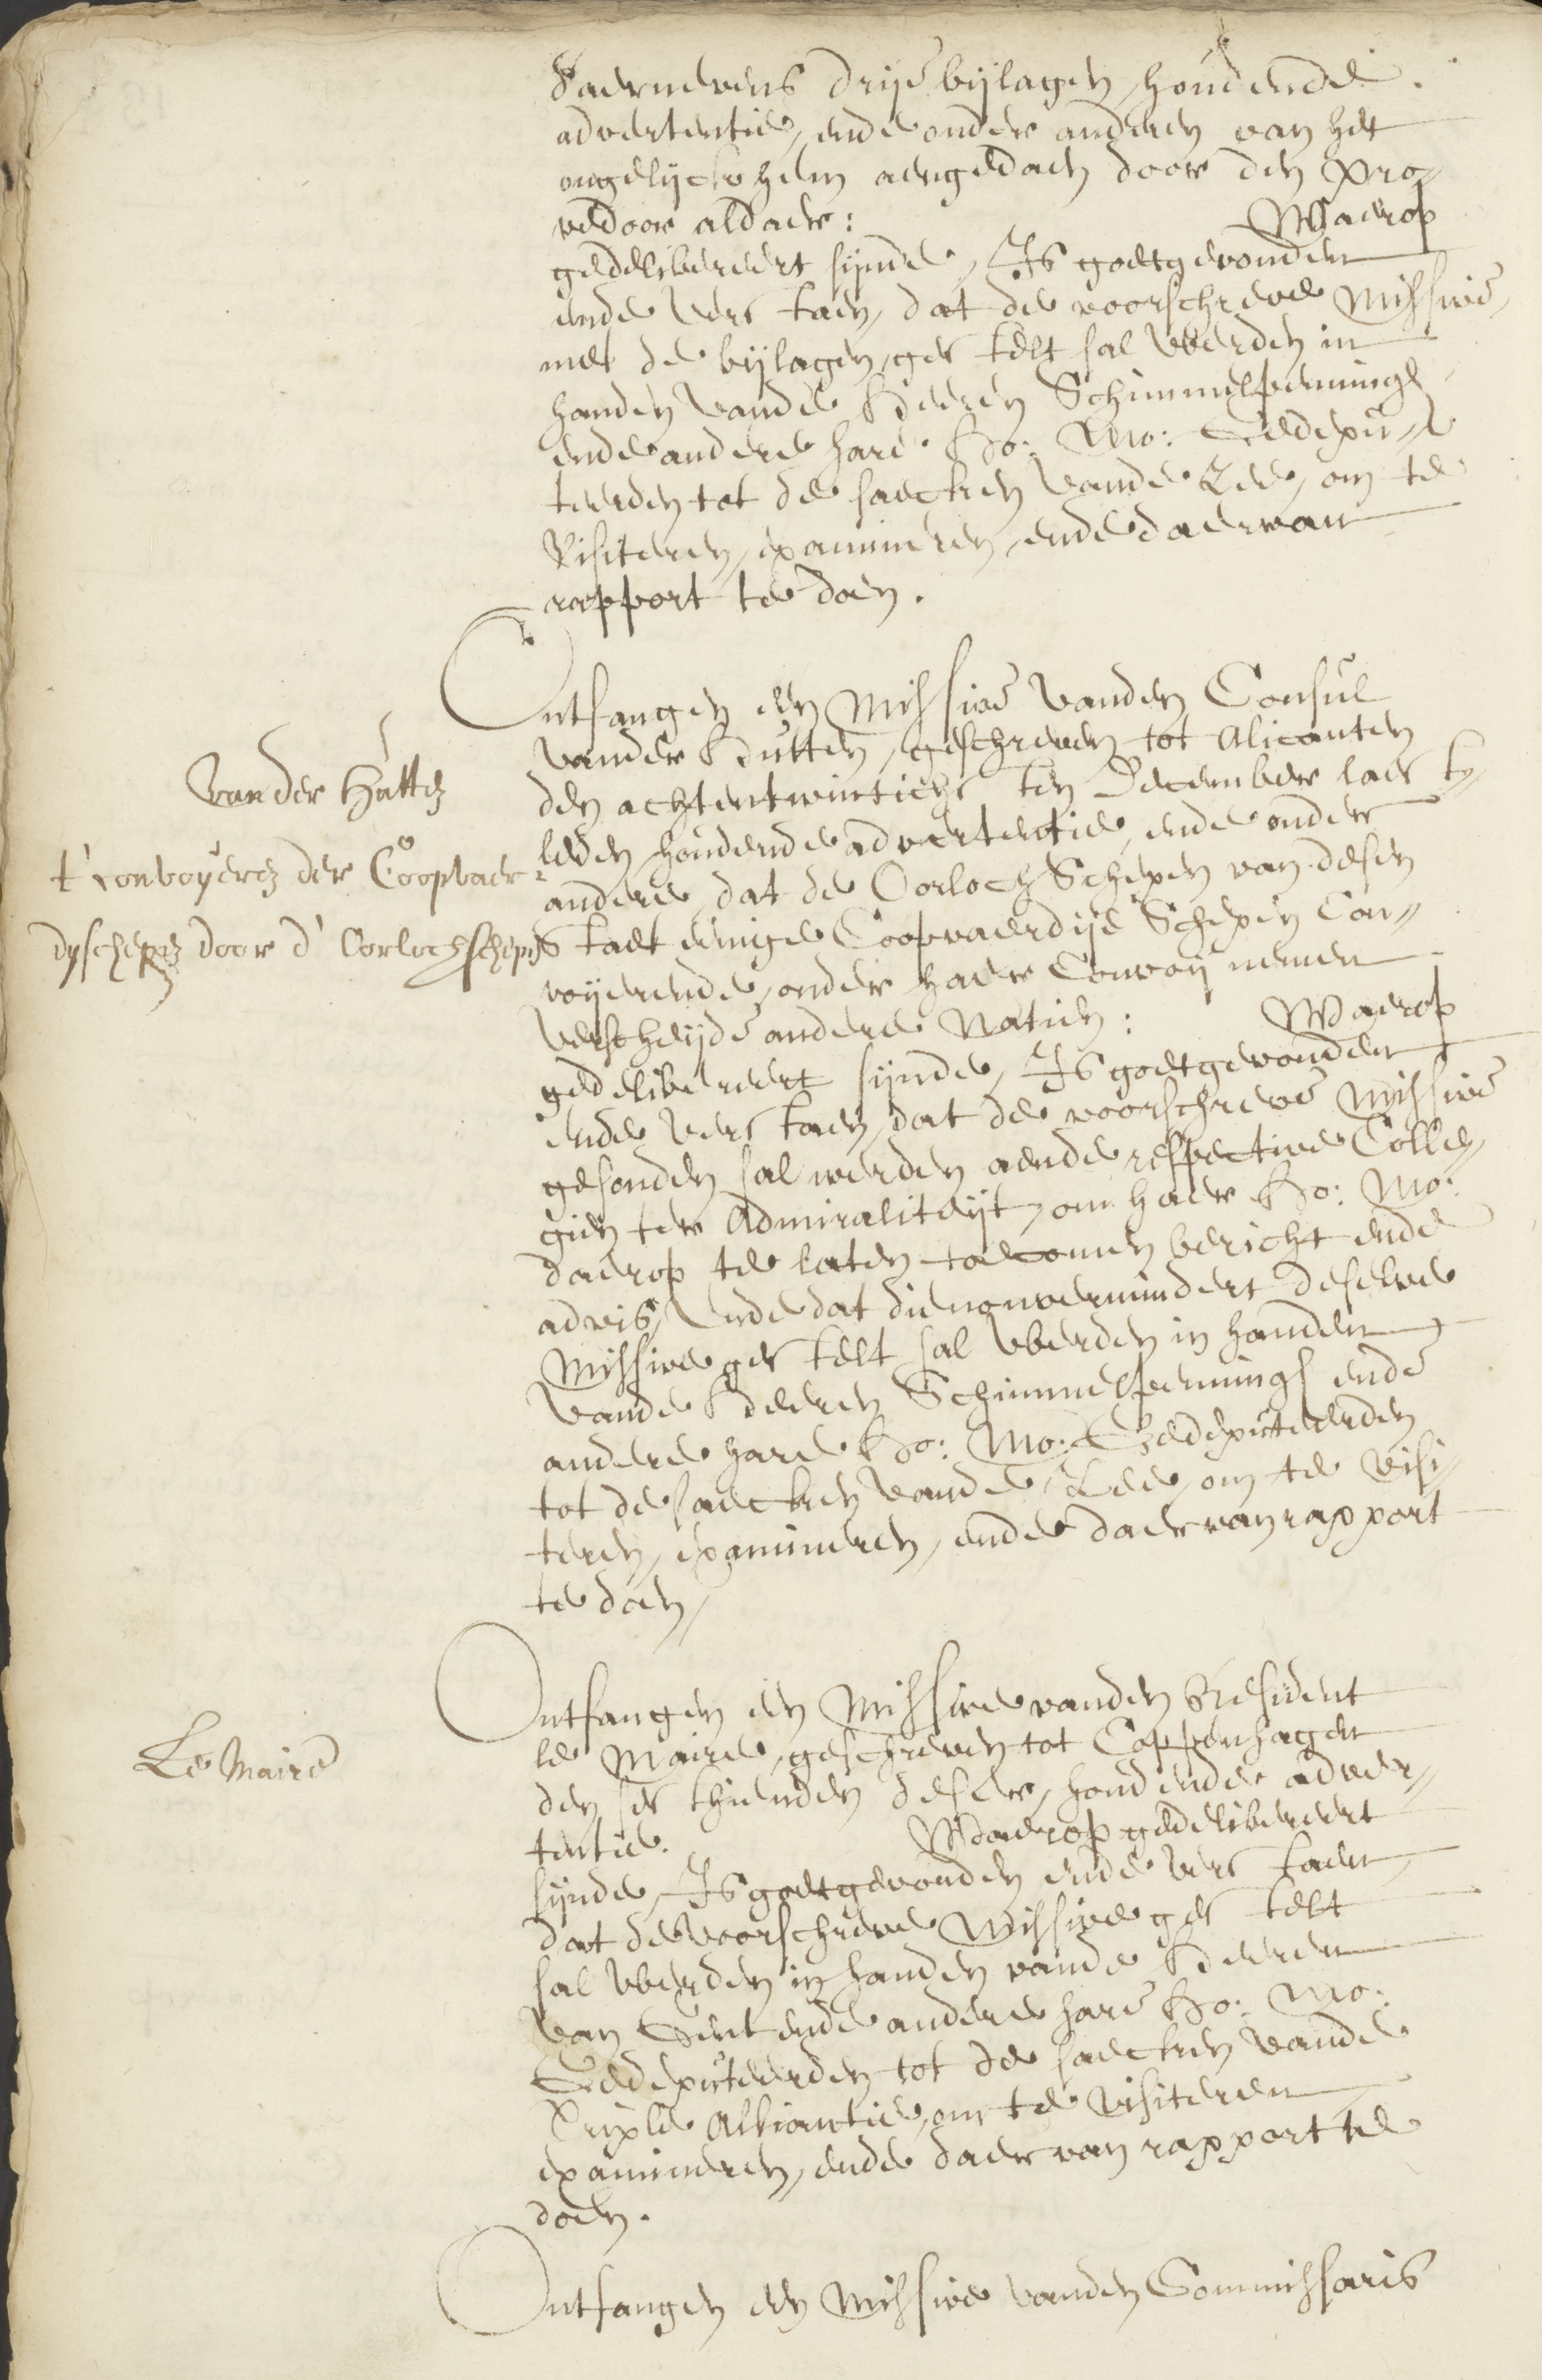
daernevens drije bijlagen, houdende
advertentie, ende onder anderen van het
ongelijck hem aengedaen door den Pro„
vedoor aldaer: Waerop
gedelibereert sijnde, Is goetgevonden
ende verstaen, dat de voorschreve Missive,
met de bijlagen, gestelt sal werden in
handen vande Heeren Schimmelpenningh
ende andere hare Ho:Mo: Gedepu„
teerden tot de saecken vande Zee, om te
Visiteren, examineren, ende daervan
rapport te doen.
van der Hutten
t'convoijeren der Coopvaer„
dyschepen door d' Oorlochschepen
Ontfangen een Missive vanden Consul
vander Hutten, geschreven tot Alicanten
den achtentwintichsten December laest„
leden, houdende advertentie, ende onder
andere dat de OorlochSchepen van desen
Staet eenige Coopvaerdije Schepen Con„
voijerende, onder haer Convoij nemen
verscheijde andere Natien: Waerop
gedelibereert sijnde, Is goetgevonden
ende verstaen, dat de voorschreve Missive
gesonden sal werden aende respective Colle,,
gien ter Admiraliteijt, om haer Ho:Mo:
daerop te laten toecomen bericht ende
advis. Ende dat dien onvermindert deselve
Missive gestelt sal werden in handen
vande Heeren Schimmelpenningh ende
andere hare Ho:Mo: Gedeputeerden
tot de saecken vande Zee, om te visi„
teren, examineren, ende daervan rapport
te doen.
Le Maire
Ontfangen een Missive vanden Resident
le Maire, geschreven tot Coppenhagen
den sesthienden deser, houdende adver„
tenie. Waerop gedelibereert
sijnde, Is goetgevonden ende verstaen
dat de voorschreve Missive gestelt
sal werden in handen vande Heeren
van Gent ende andere hare Ho:Mo:
Gedeputeerden tot de saecken vande
Triple Alliantie, om te visiteren,
examineren, ende daervan rapport te
doen.
Ontfangen een Missive vanden Commissaris
